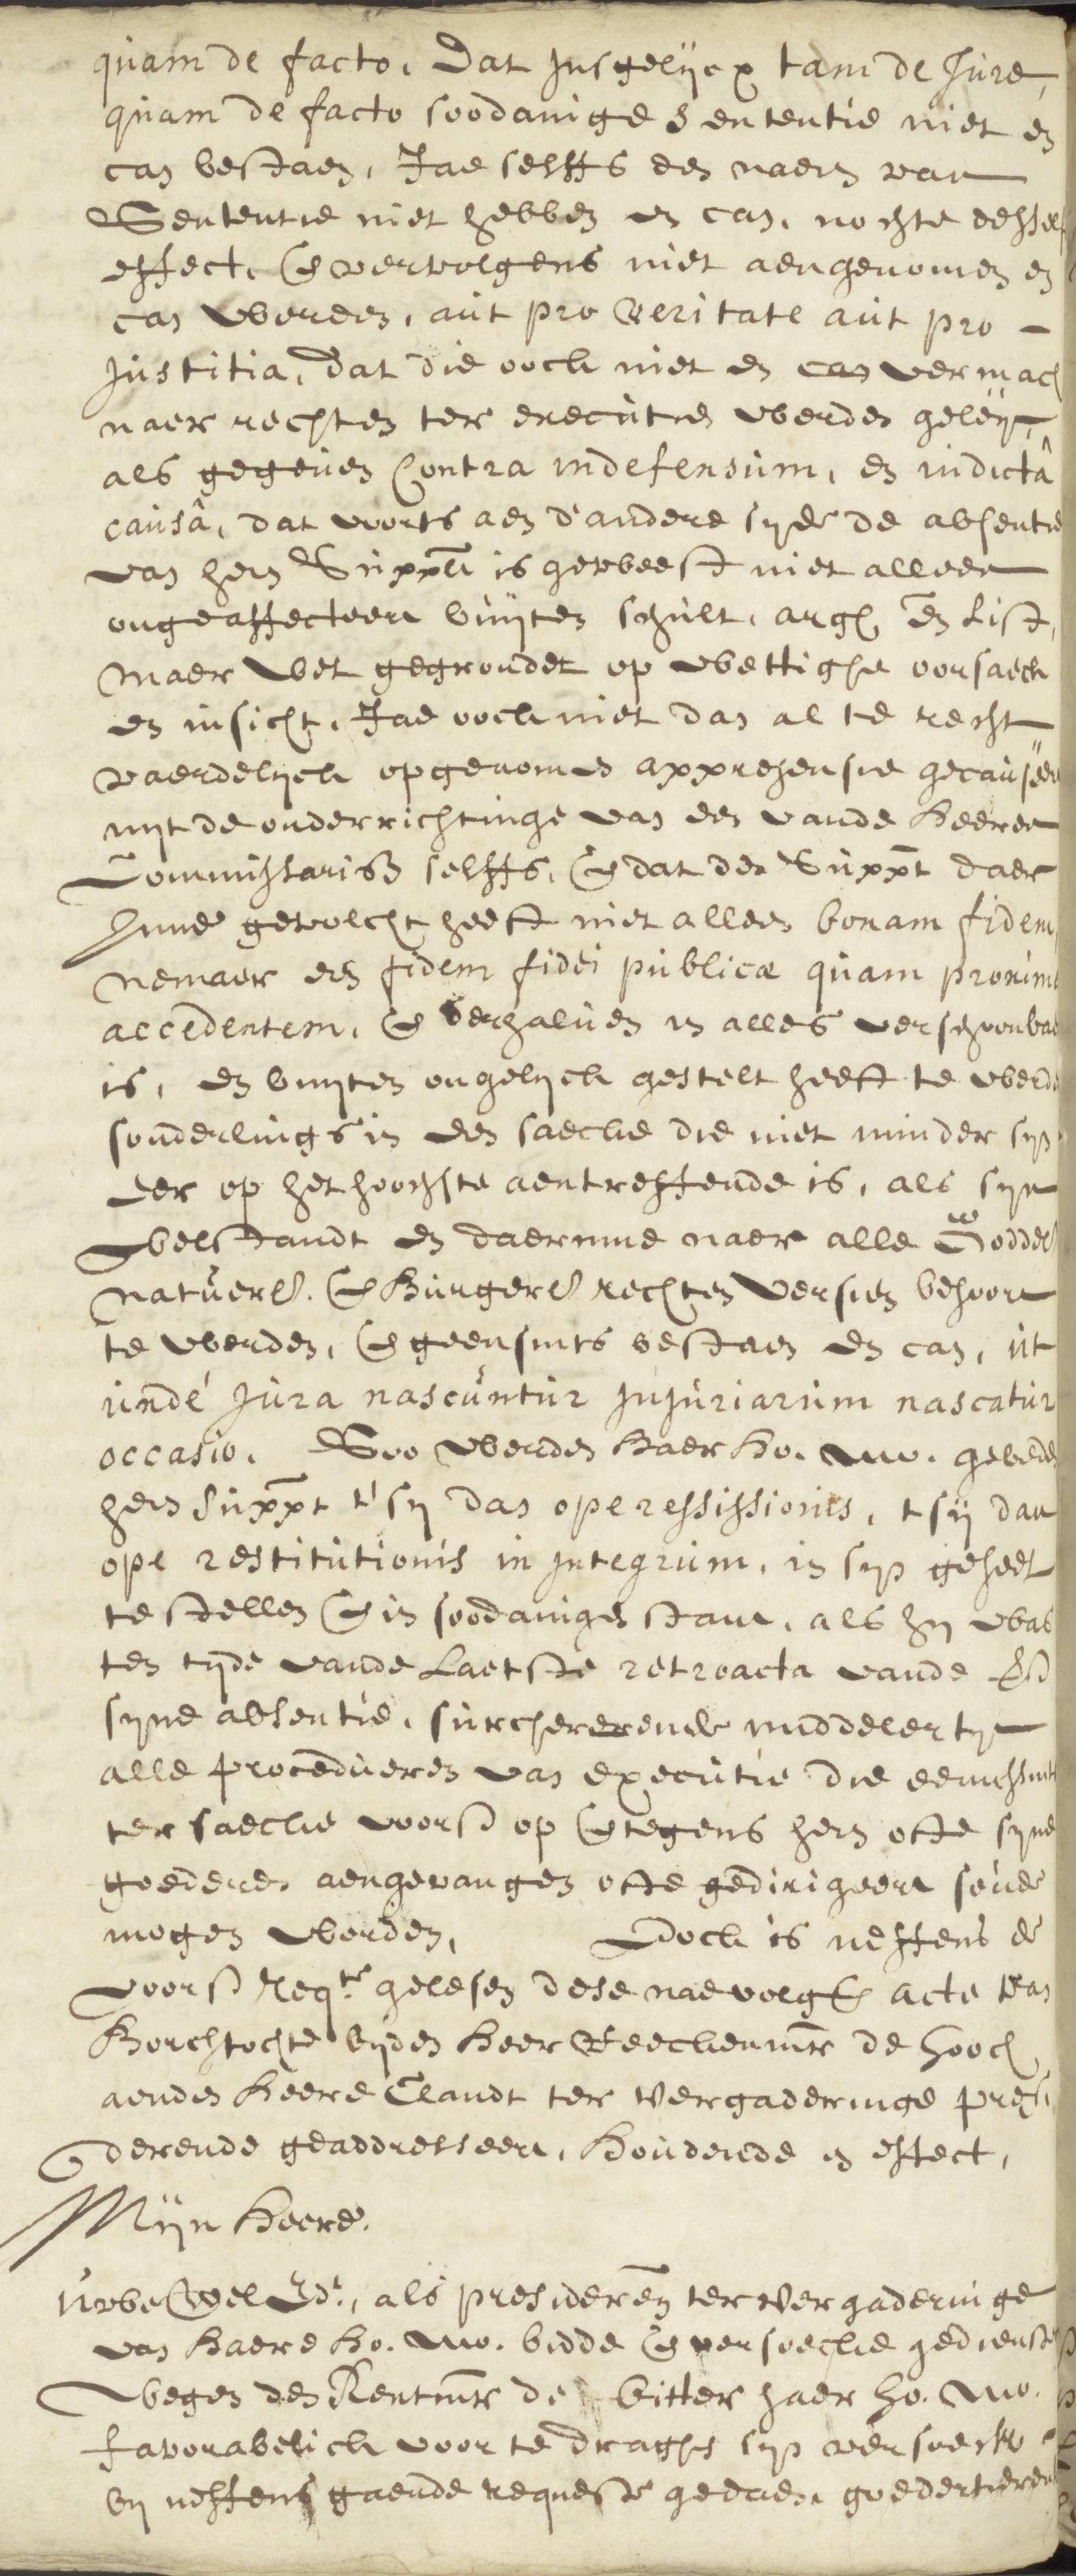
quam de facto. Dat insgelijcx tam de jure
quam de facto soodanige sententie niet en
can bestaen, Jae selffs den naem van
Sententie niet hebben en can, nochte desself
effect. & vervolgens niet aengenomen en
can werden, aut pro veritate aut pro —
Justitia, dat die oock niet en can vermach
naer rechten ter executie werden geleijt
als gegeven contra indefensum, en indictâ
causâ, dat voorts aen d'andere sijde de absentie
van hen suppl. is geweest niet alleen
ongeaffecteert buijten schult, argh en list,
maer wel gegrondet op wettighe oorsaeck
en insicht. Jae oock niet dan al te recht
vaerdelijck opgenomen apprehensie gecauseert
uyt de onderrichtinge van een van de heeren
Commissaris. selffs. & dat den suppt. daer
Inne gevolcht heeft niet alleen bonam fidem
nemaer den fidem fidei publicæ quam proxime
accedentem. & derhalven in alles verschoonbaer
is en buyten ongelijck gestelt heeft te werden
sonderlings in een saecke die niet minder syn
eer op het hoogste aentreffende is, als syn
welstandt en daerinne naer alles Goddel
natuerl. & Burgerl rechten versien behoort
te werden & geensints bestaen en can, ut
unde Jura nascuntur injuriarum nascatur
occasio. Soo werden Haer Ho:Mo: gebeden
hem supplt t'sij dan operessissionis t sij dan
ope restitutionis in integrum is sijn geheel
te stellen & in soodanigen stant, als hij was
ten tijde vande laetste retroacta van de vs
sijne absentie, surcherende middelertijt
alle procedueren van executie die eenichsins
ter saecke voors. op & tegens hem ofte sijne
goederen aengevangen offe gedirigeert soude
mogen worden. Oock is neffens de
voors. reqte. gelesen dese naevolg acte van
Borchtochte bij den heer Reeckenmr Hooch
aenden heere Clandt ter vergaderinge presi,,
derende geaddresseert, houdende in effect,
Mijn heere.
Uwe wel Ed. als presideren ter vergaderinge
van haere ho:mo: bidde & versoecke gedienst
wegen des Rentmr de bitter haer Ho:Mo:
favorabelick voor te draghen sijn aensoeck
bij neffens gaende requeste gedaen goedertieren
